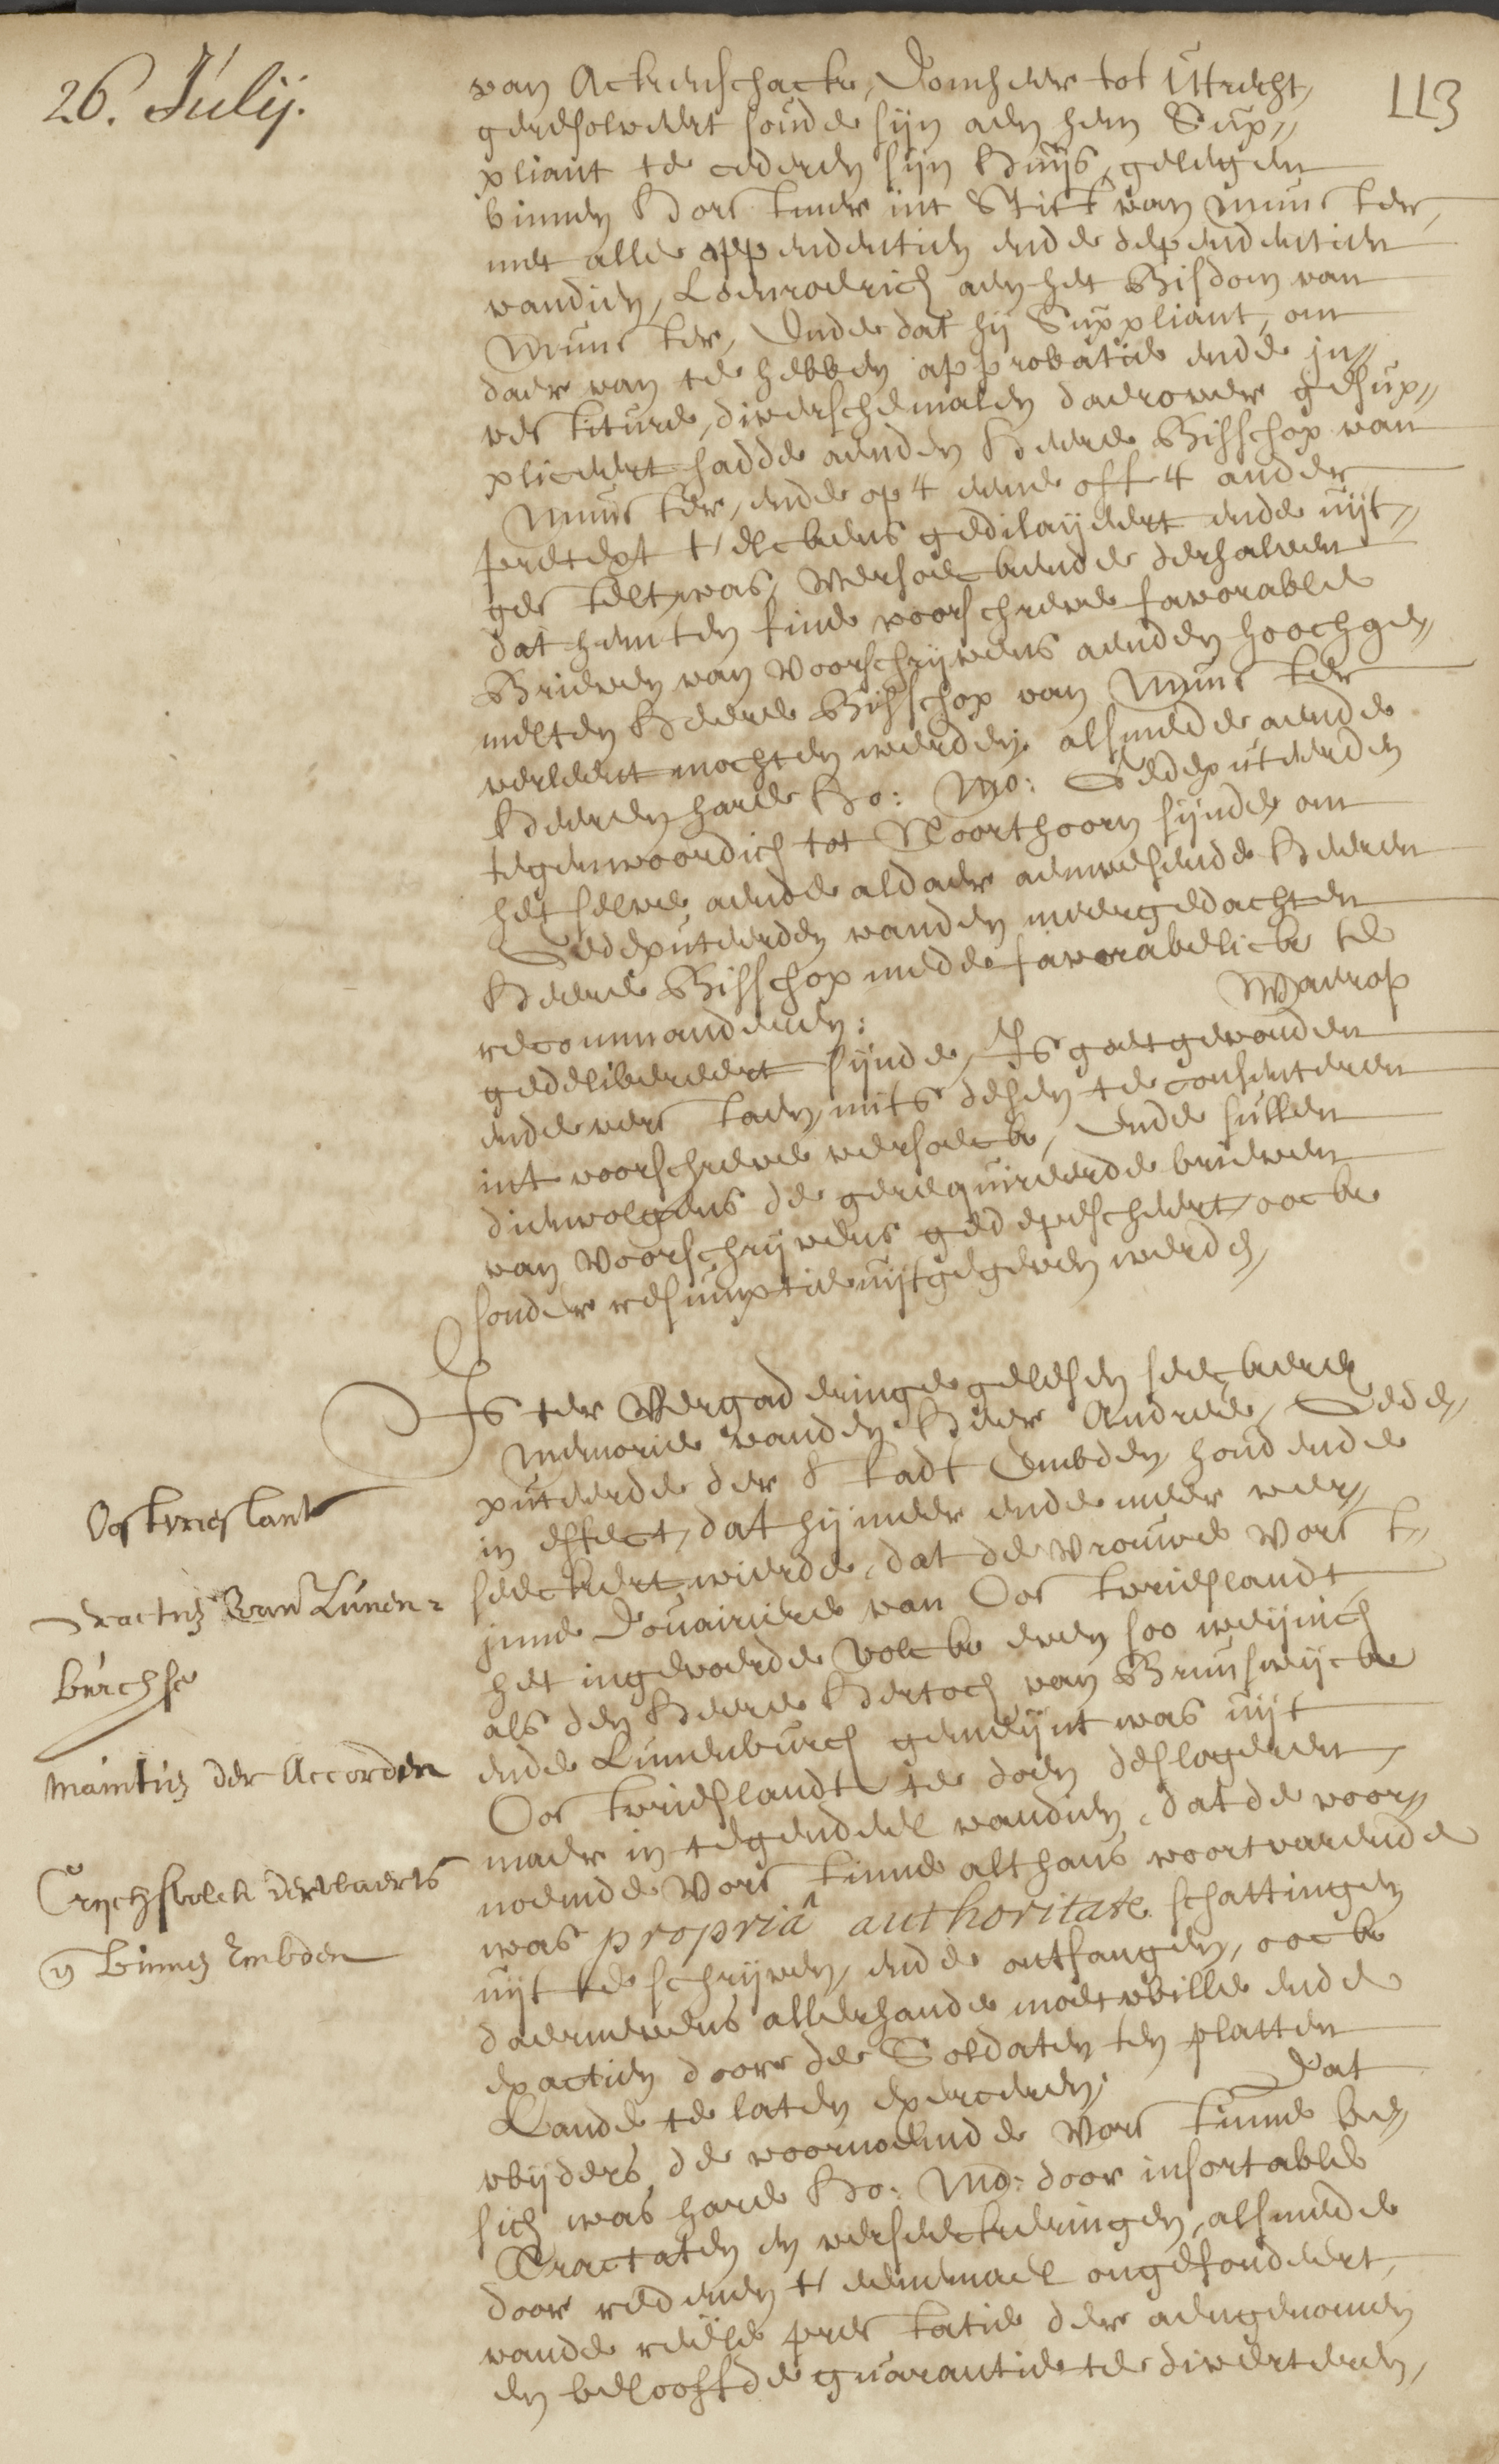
113
26. Julij.
van Ackenschack, Domheer tot Utrecht,
geresolveert soude sijn aen den Sup„
pliant te cederen sijn Huijs, gelegen
binnen Horstmer int Stift van Munster,
met alle appendentien ende dependentien
vandien, Leenroerich aen het Bisdom van
Munster, Ende dat hij Suppliant, om
daer van te hebben approbatie ende in„
vestiture, diversche malen daerover gesup„
pliceert hadde aenden Heere Bisschop van
Munster, ende op‛t eene off ‛t ander
pretext t‛elckens gedilaijeert ende uijt„
gestelt was, versoeckende derhalven
dat hem ten fine voorschreve favorable
Brieven van Voorschrijvens aenden hoochge„
melten Heere Bisschop van Munster
verleent mochten werden alsmede aende
Heeren hare Ho:Mo: Gedeputeerden
tegenwoordich tot Noorthoorn sijnde, om
het selve aende aldaer aenwesende Heeren
Gedeputeerden vanden meergedachten
Heere Bisschop mede favorabelick te
recommanderen: Waerop
gedelibereert sijnde, Is goetgevonden
ende verstaen, mits desen te consenteren
int voorschreve versoeck. Ende sullen
dienvolgens de gerequireerde brieven
van Voorschrijvens gedepescheert, oock
sonder resumptie uijtgegeven werden.
Oostvrieslant
Exactien van Lunen„
burchse
maintien der Accorden
Crijchsvolck derwaerts
& binnen Embden
Is ter Vergaderinge gelesen seeckere
Memorie vanden Heere Andree, Gede„
puteerde der Stadt Embden, houdende
in effect, dat hij meer ende meer ver„
seeckert wierde, dat de Vrouwe Vorst„
inne Douairiere van Oostvrieslandt,
het ingevoerde volck even soo weijnich
als den Heere Hertoch van Brunswijck
ende Lunenburch gemeijnt was uijt
Oostvrieslandt te doen deslogeren,
maer in tegendeel vandien, dat de voor„
noemde Vorstinne althans voortvarende
was propriâ authoritate schattingen
uijt te schrijven, ende ontfangen, oock
daernevens allerhande moetwille ende
exactien door de Soldaten ten platten
Lande te laten exerceren, dat
wijders de voornoemde Vorstinne be„
sich was hare Ho:Mo: door infortable
Tractaten en verseeckeringen, alsmede
door redenen t‛eenmael ongefondeert,
vande reële prestatie der aengenomen
en belooffde guarantie te diverteren,
